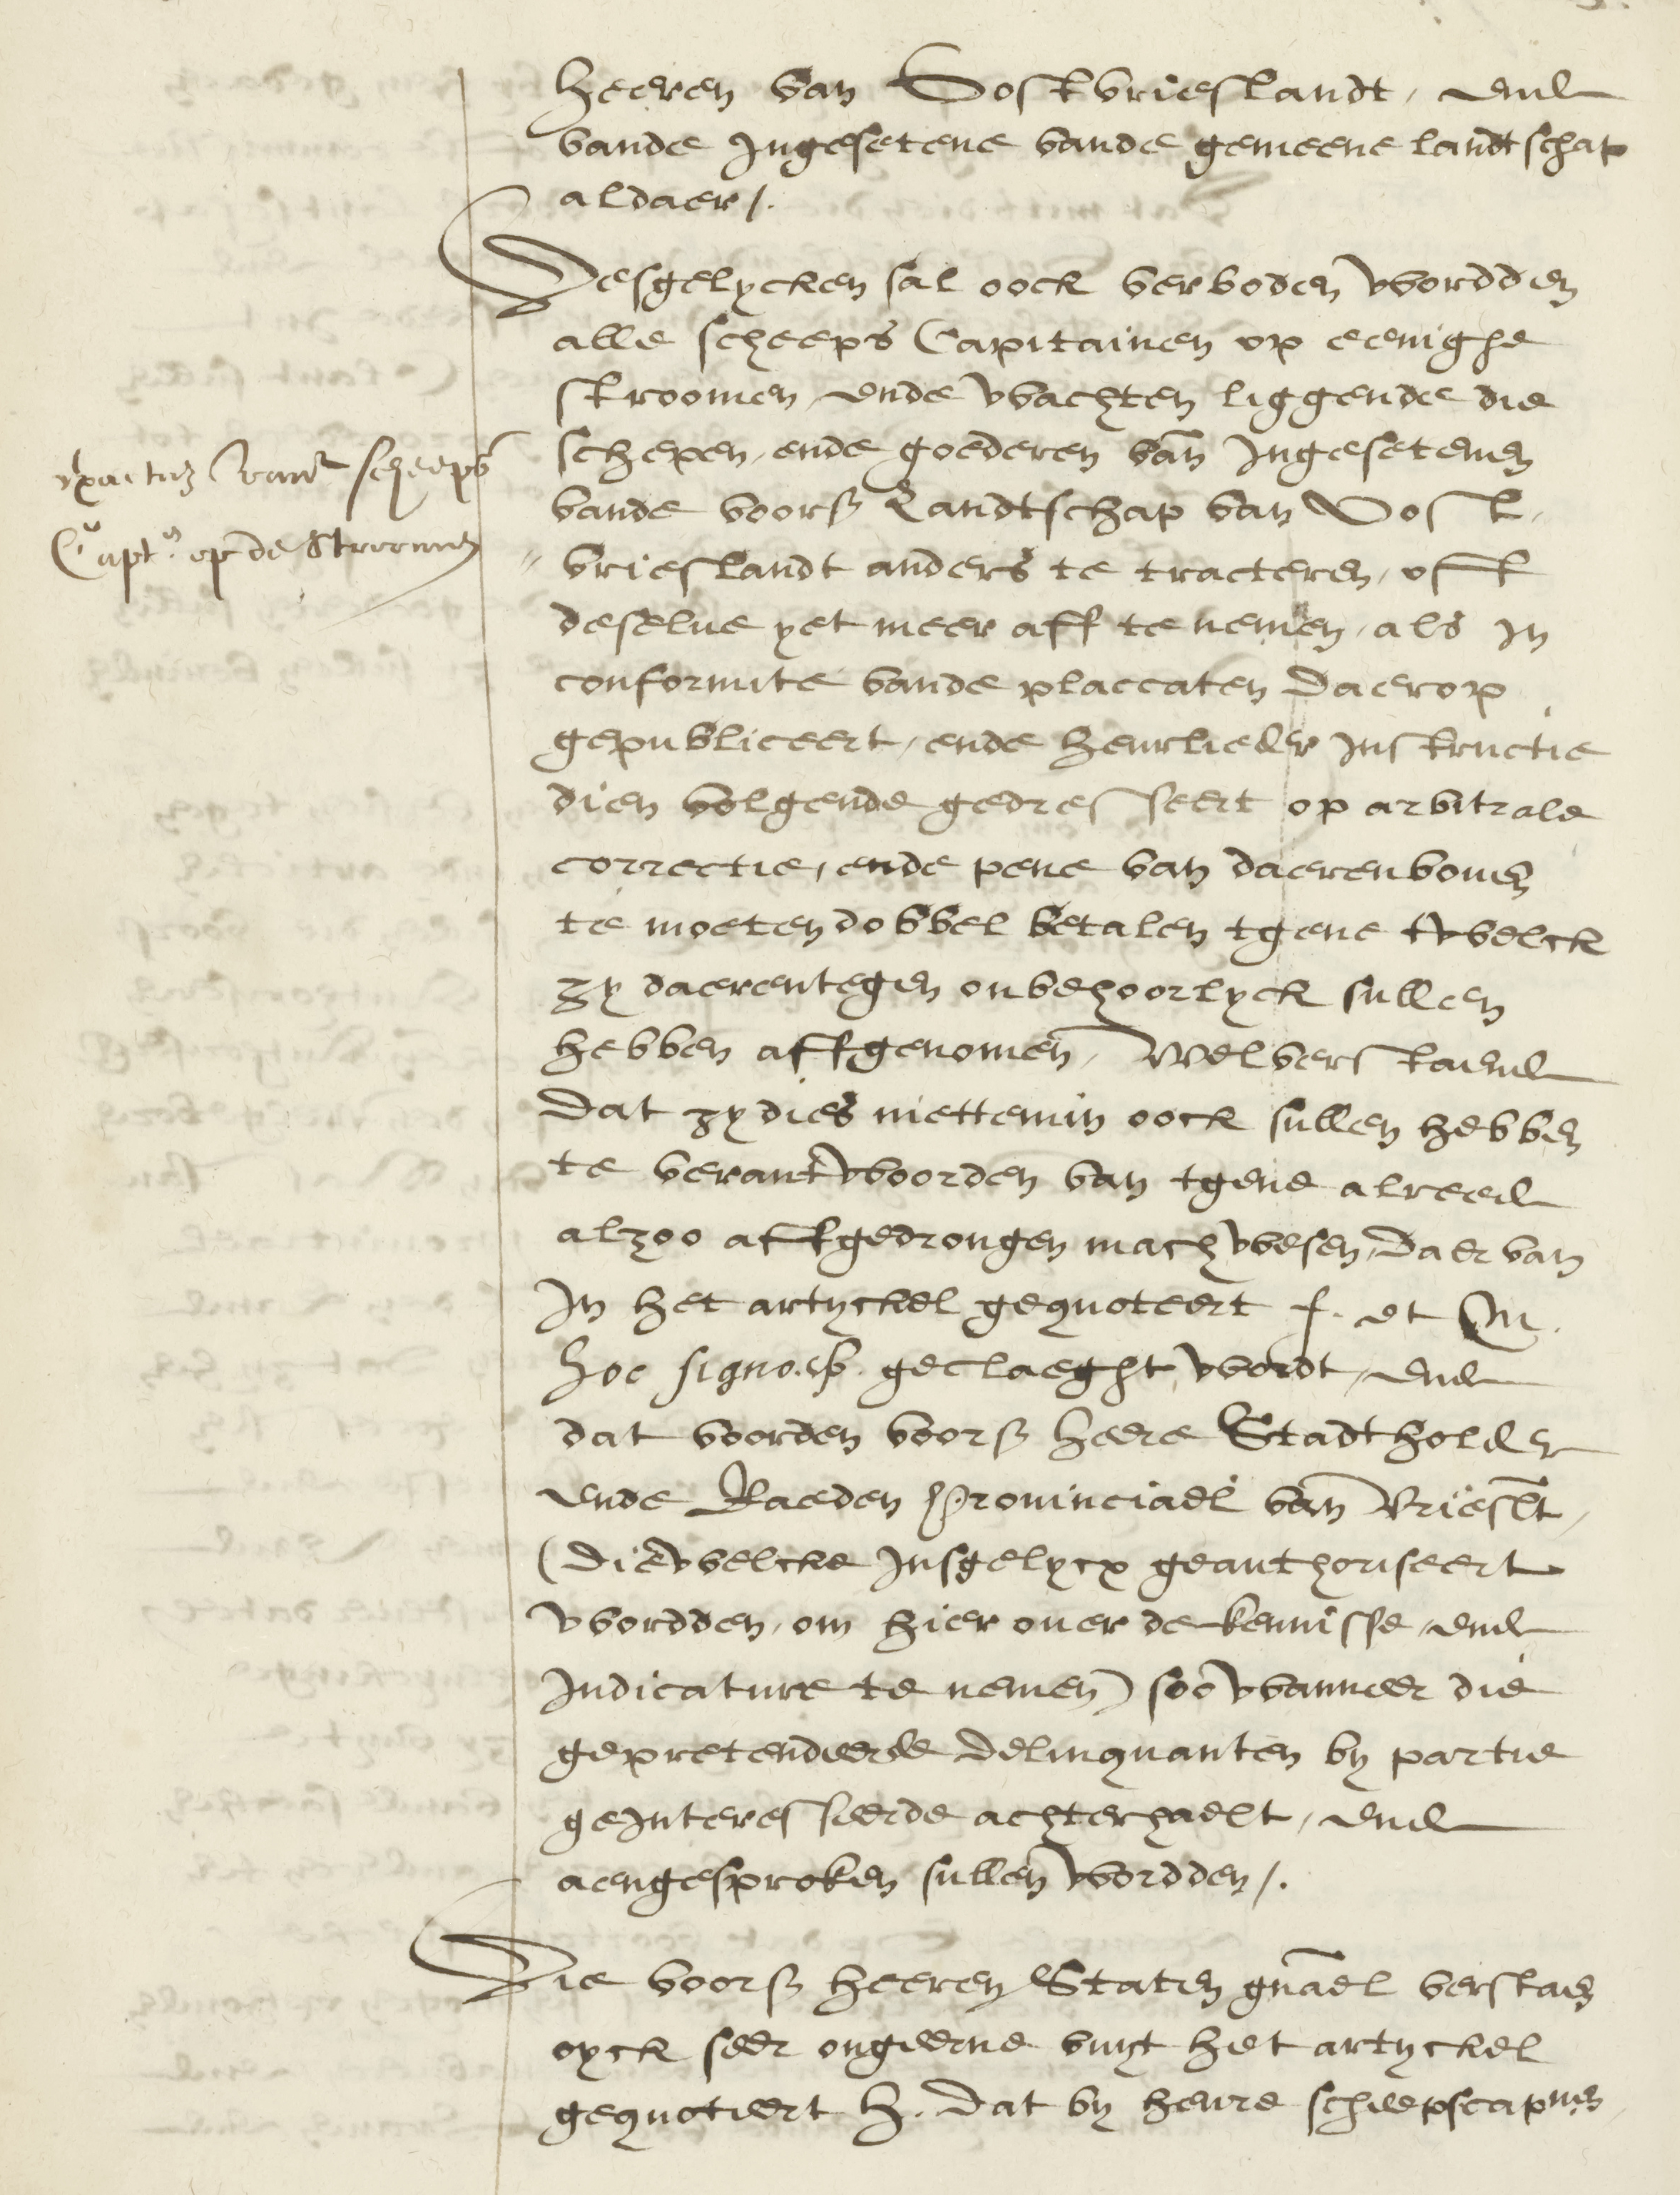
Exacten van scheeps
Captn op de stroomen
heeren van Oostvrieslandt, ende
vande ingesetene vande gemeene landtschap
aldaer.
Desgelycken sal oock verboden wordden
alle scheeps capitainen op eenighe
stroomen ende wachten liggende die
schepen ende goederen van ingesetenen
vande voors Landtschap van Oost„
vrieslandt anders te tracteren, off
deselue yet meer aff te nemen, als in
conformite vande placcaten daerop
gepubliceert ende heurlieder instructie
dien volgende gedresseert op arbitrale
correctie, ende pene van daerenbouen
te moeten dobbel betalen tgene twelck
zy daerentegen onbehoorlyck sullen
hebben affgenomen. Welverstaende
dat zy dies niettemin oock sullen hebben
te verantwoorden van tgene alreede
alzoo affgedrongen mach wesen, daer van
In het artyckel gequoteert F. et M.
hoc signo Ꝕ. geclaeght wordt, ende
dat voorden voors heere Stadtholder
ende Raeden provinciael van Vrieslnt
(diewelcke insgelycx geauthoriseert
wordden om hier ouer de kennisse ende
judicature te nemen) soo wanneer die
gepretendeerde delinquanten by partie
geinteresseerde achterhaelt, ende
aengesproken sullen wordden.
Die voors. heeren Staten Gnael verstaen
oyck seer ongeerne vuyt het artyckel
gequoteert H dat by heure scheepscapnen
